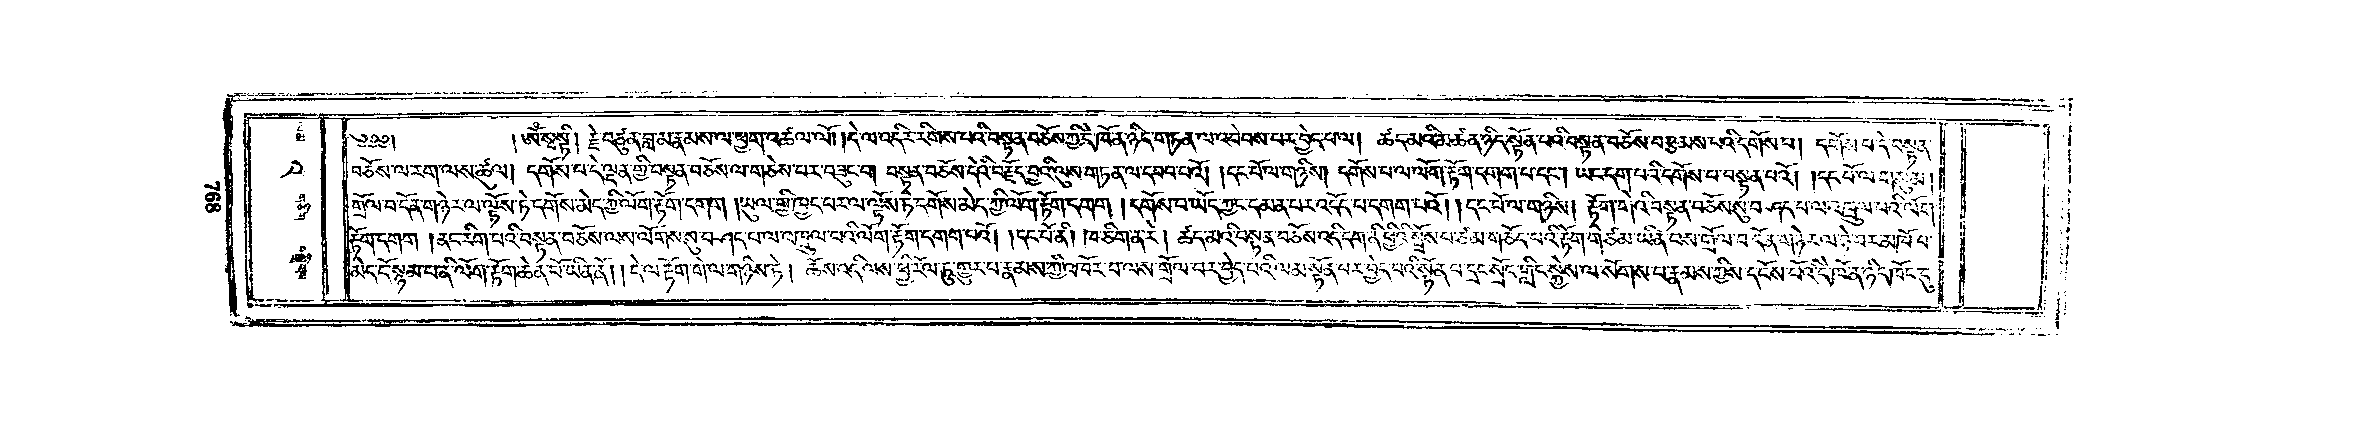༄༅། །ཨོཾ་སྭ་སྟི། རྗེ་བཙུན་བླ་མ་རྣམས་ལ་ཕྱག་འཚལ་ལོ། །དེ་ལ་འདིར་རིགས་པའི་བསྟན་བཅོས་ཀྱི་དེ་ཁོ་ན་ཉིད་གཏན་ལ་འབེབས་པར་བྱེད་པ་ལ། ཚད་མའི་མཚན་ཉིད་སྟོན་པའི་བསྟན་བཅོས་བརྩམས་པའི་དགོས་པ། དགོས་པ་དེ་བསྟན་
བཅོས་ལ་རག་ལས་ཚུལ། དགོས་པ་དེ་ལྡན་གྱི་བསྟན་བཅོས་ལ་གཅེས་པར་བཟུང་བ། བསྟན་བཅོས་དེའི་བརྗོད་བྱའི་ལུས་གཏན་ལ་དབབ་པའོ། །དང་པོ་ལ་གཉིས། དགོས་པ་ལ་ལོག་རྟོག་དགག་པ་དང་། ཡང་དག་པའི་དགོས་པ་བསྟན་པའོ། །དང་པོ་ལ་གསུམ།
གྲོལ་བ་དོན་གཉེར་ལ་ལྟོས་ཏེ་དགོས་མེད་ཀྱི་ལོག་རྟོག་དགག །ཡུལ་གྱི་ཁྱད་པར་ལ་ལྟོས་ཏེ་དགོས་མེད་ཀྱི་ལོག་རྟོག་དགག །དགོས་པ་ཡོད་ཀྱང་དམན་པར་འདོད་པ་དགག་པའོ། །དང་པོ་ལ་གཉིས། རྟོག་གེའི་བསྟན་བཅོས་སུ་བཤད་པ་ལ་འཁྲུལ་པའི་ལོག་
རྟོག་དགག །ནང་རིག་པའི་བསྟན་བཅོས་ལས་ལོགས་སུ་བཤད་པ་ལ་འཁྲུལ་པའི་ལོག་རྟོག་དགག་པའོ། །དང་པོ་ནི། ཁ་ཅིག་ན་རེ། ཚད་མའི་བསྟན་བཅོས་འདི་དག་ནི་ཕྱིའི་སྤྲོས་པ་ཙམ་གཅོད་པའི་རྟོག་གི་ཙམ་ཡིན་པས་གྲོལ་བ་དོན་གཉེར་ལ་ཉེ་བར་མཁོ་བ་
མེད་དོ་སྙམ་པ་ནི་ལོག་རྟོག་ཆེན་པོ་ཡིན་ནོ། །དེ་ལ་རྟོག་གེ་ལ་གཉིས་ཏེ། ཆོས་འདི་ལས་ཕྱི་རོལ་ཏུ་གྱུར་པ་རྣམས་ཀྱི་འཁོར་བ་ལས་གྲོལ་བར་བྱེད་པའི་ལམ་སྟོན་པར་བྱེད་པའི་སྟོན་པ་དྲང་སྲོང་གླིང་སྐྱེས་ལ་སོགས་པ་རྣམས་ཀྱིས་དངོས་པོའི་དེ་ཁོ་ན་ཉིད་ཁོང་དུ་